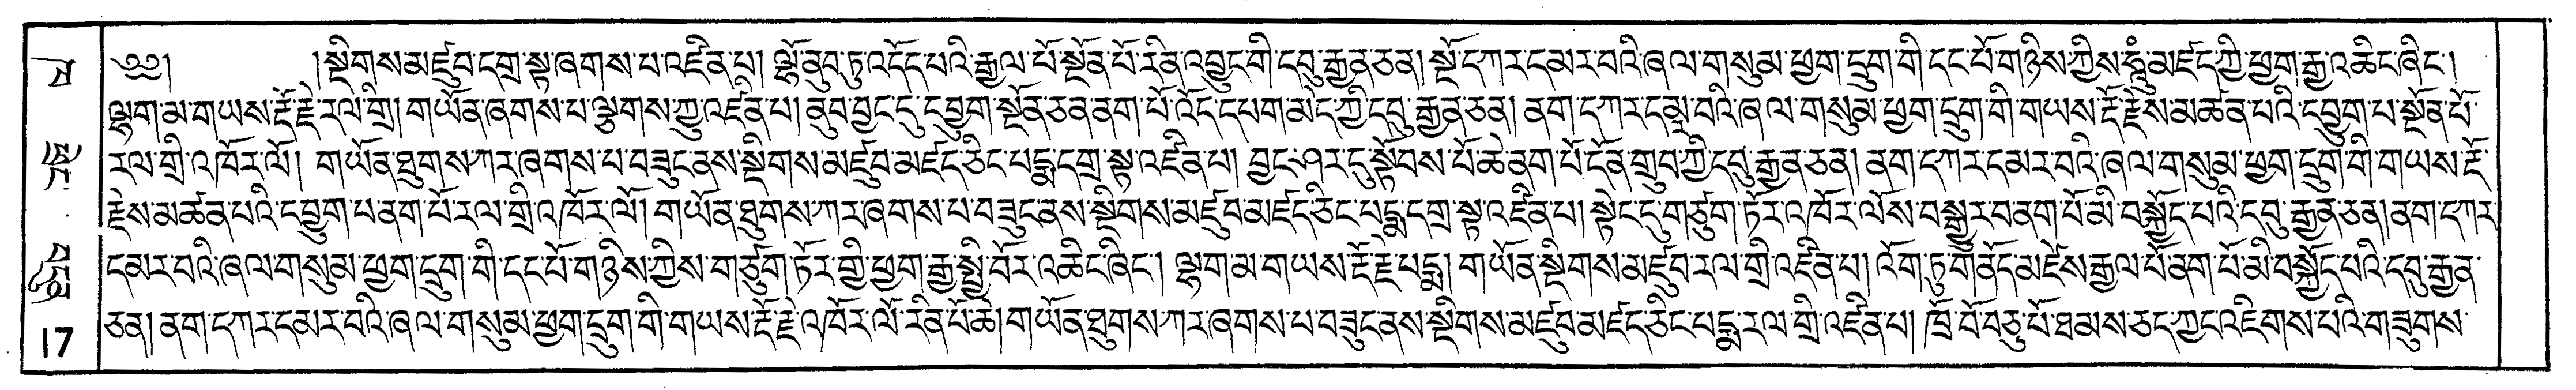༄༅། །སྡིགས་མཛུབ་དགྲ་སྟ་ཞགས་པ་འཛིན་པ། ལྷོ་ནུབ་ཏུ་འདོད་པའི་རྒྱལ་པོ་སྔོན་པོ་རིན་འབྱུང་གི་དབུ་རྒྱན་ཅན། སྔོ་དཀར་དམར་བའི་ཞལ་གསུམ་ཕྱག་དྲུག་གི་དང་པོ་གཉིས་ཀྱིས་ཧཱུཾ་མཛད་ཀྱི་ཕྱག་རྒྱ་འཆིང་ཞིང་།
ལྷག་མ་གཡས་རྡོ་རྗེ་རལ་གྲི། གཡོན་ཞགས་པ་ལྕགས་ཀྱུ་འཛིན་པ། ནུབ་བྱང་དུ་དབྱུག་སྔོན་ཅན་ནག་པོ་འོད་དཔག་མེད་ཀྱི་དབུ་རྒྱན་ཅན། ནག་དཀར་དམར་བའི་ཞལ་གསུམ་ཕྱག་དྲུག་གི་གཡས་རྡོ་རྗེས་མཚན་པའི་དབྱུག་པ་སྔོན་པོ་
རལ་གྲི་འཁོར་ལོ། གཡོན་ཐུགས་ཀར་ཞགས་པ་བཟུང་ནས་སྡིགས་མཛུབ་མཛད་ཅིང་པདམ་དགྲ་སྟ་འཛིན་པ། བྱང་ཤར་དུ་སྟོབས་པོ་ཆེ་ནག་པོ་དོན་གྲུབ་ཀྱི་དབུ་རྒྱན་ཅན། ནག་དཀར་དམར་བའི་ཞལ་གསུམ་ཕྱག་དྲུག་གི་གཡས་རྡོ་
རྗེས་མཚན་པའི་དབྱུག་པ་ནག་པོ་རལ་གྲི་འཁོར་ལོ། གཡོན་ཐུགས་ཀར་ཞགས་པ་བཟུང་ནས་སྡིགས་མཛུབ་མཛད་ཅིང་པདམ་དགྲ་སྟ་འཛིན་པ། སྟེང་དུ་གཙུག་ཏོར་འཁོར་ལོས་བསྒྱུར་བ་ནག་པོ་མི་བསྐྱོད་པའི་དབུ་རྒྱན་ཅན། ནག་དཀར་
དམར་བའི་ཞལ་གསུམ་ཕྱག་དྲུག་གི་དང་པོ་གཉིས་ཀྱིས་གཙུག་ཏོར་གྱི་ཕྱག་རྒྱ་སྤྱི་བོར་འཆིང་ཞིང་། ལྷག་མ་གཡས་རྡོ་རྗེ་པདམ། གཡོན་སྡིགས་མཛུབ་རལ་གྲི་འཛིན་པ། འོག་ཏུ་གནོད་མཛེས་རྒྱལ་པོ་ནག་པོ་མི་བསྐྱོད་པའི་དབུ་རྒྱན་
ཅན། ནག་དཀར་དམར་བའི་ཞལ་གསུམ་ཕྱག་དྲུག་གི་གཡས་རྡོ་རྗེ་འཁོར་ལོ་རིན་པོ་ཆེ། གཡོན་ཐུགས་ཀར་ཞགས་པ་བཟུང་ནས་སྡིགས་མཛུབ་མཛད་ཅིང་པདམ་རལ་གྲི་འཛིན་པ། ཁྲོ་བོ་བཅུ་པོ་ཐམས་ཅད་ཀྱང་འཇིགས་པའི་གཟུགས་